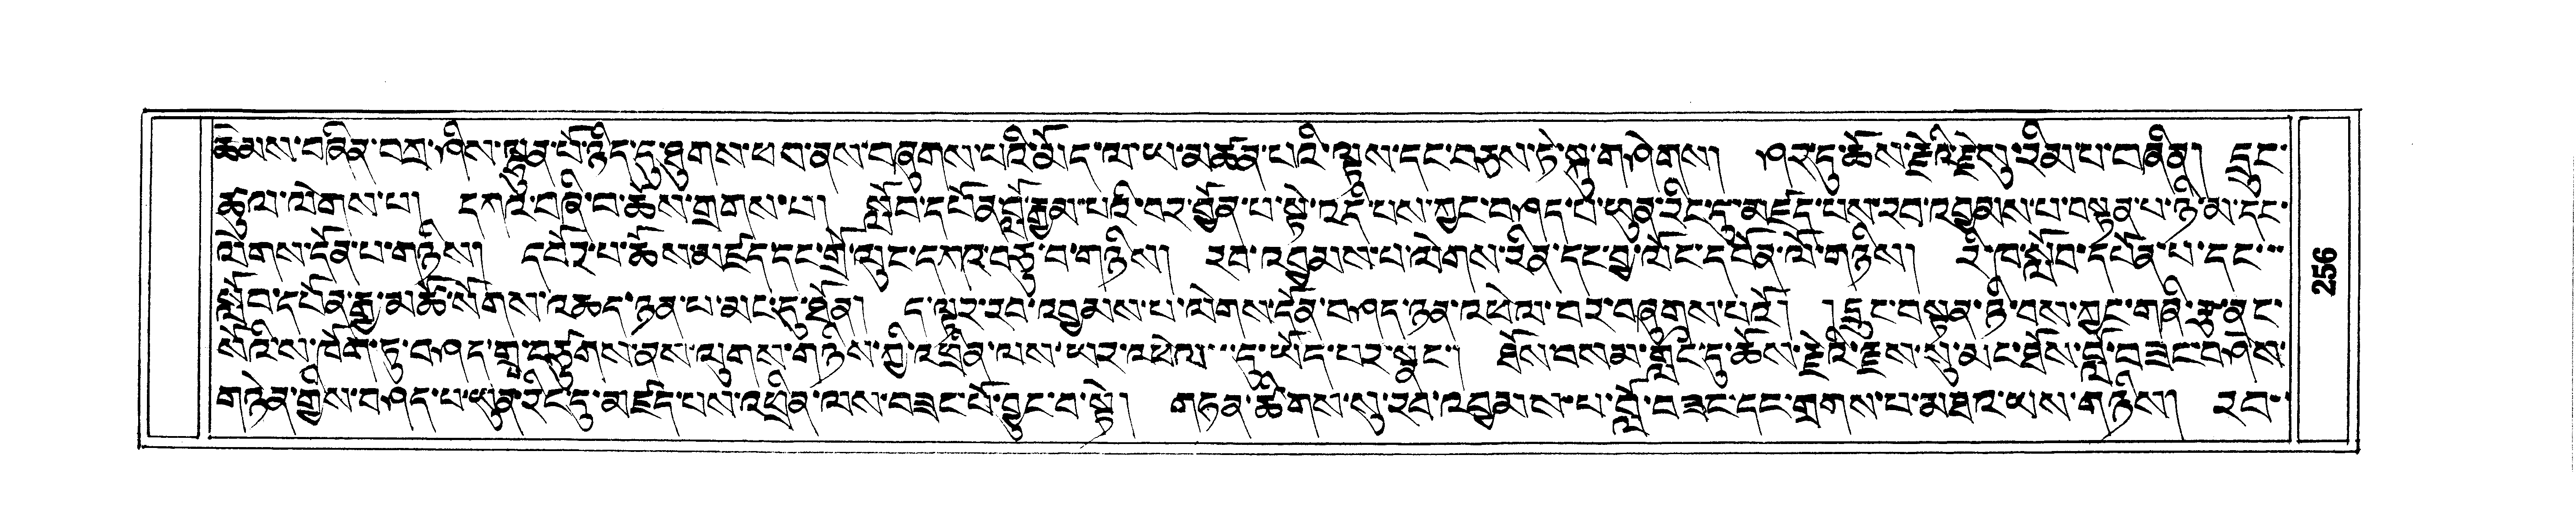ཆེམས་བཞིན་བཀྲ་ཤིས་ལྷུན་པོ་ཉིད་དུ་ཐུགས་ཕབ་ནས་བཞུགས་པའི་མོད་ལ་ཡ་མཚན་པའི་ལྟས་དང་བཅས་ཏེ་སྐུ་གཤེགས། ཤར་དུ་ཆོས་རྗེའི་རྗེསུ་རིམ་པ་བཞིན། དྲུང་
ཚུལ་ལེགས་པ། དཀའ་བཞི་བ་ཆོས་གྲགས་པ། སློབ་དཔོན་བློ་རྒྱམ་པའི་བར་བྱོན་པ་སྟེ་འདི་པས་ཀྱང་བཤད་པ་ཡུན་རིང་དུ་མཛད་པས་རབ་འབྱམས་པ་བསྟན་པན་ཡི་མ་དང་
ལེགས་དོན་པ་གཉིས། དབོར་པ་ཆོས་མཛད་དང་གྲོ་ལུང་དཀའ་བཅུ་བ་གཉིས། རབ་འབྱམས་པ་ལེགས་རིན་དང་བྱ་ལོང་དབོན་ལོ་གཉིས། རི་ཁ་སློབ་དཔོན་པ་དང་
སློབ་དཔོན་རྒྱ་མཚོ་སོགས་འཆད་ཉན་པ་མང་དུ་ཐོན། ད་ལྟར་རབ་འབྱམས་པ་ལེགས་དོན་བཤད་ཉན་འཕེལ་བར་བཞུགས་པའོ། །དྲུང་བསྟན་ཉི་བས་ཀྱང་གཞི་རྩ་ནང་
སོའི་ས་ཁོག་ཏུ་བཤད་གྲྭ་བཙུགས་ནས་ལུགས་གཉིས་ཀྱི་འཕྲིན་ལས་ཡར་འཕེལ་དུ་ཡོད་པར་སྣང་། ཐོས་སྦམ་གླིང་དུ་ཆོས་རྗེའི་རྗས་སུ་མང་ཐོས་བློ་བཟང་བཤད་
གཉེན་གྱིས་བཤད་པ་ཡུན་རིང་དུ་མཛད་པས་འཕྲིན་ལས་བཟང་པོ་བྱུང་བ་སྟེ། གཏན་ཚིག་སུ་རབ་འབྱམས་པ་བློ་བཟང་དང་གྲགས་པ་མཐའ་ཡས་གཉིས། རབ་